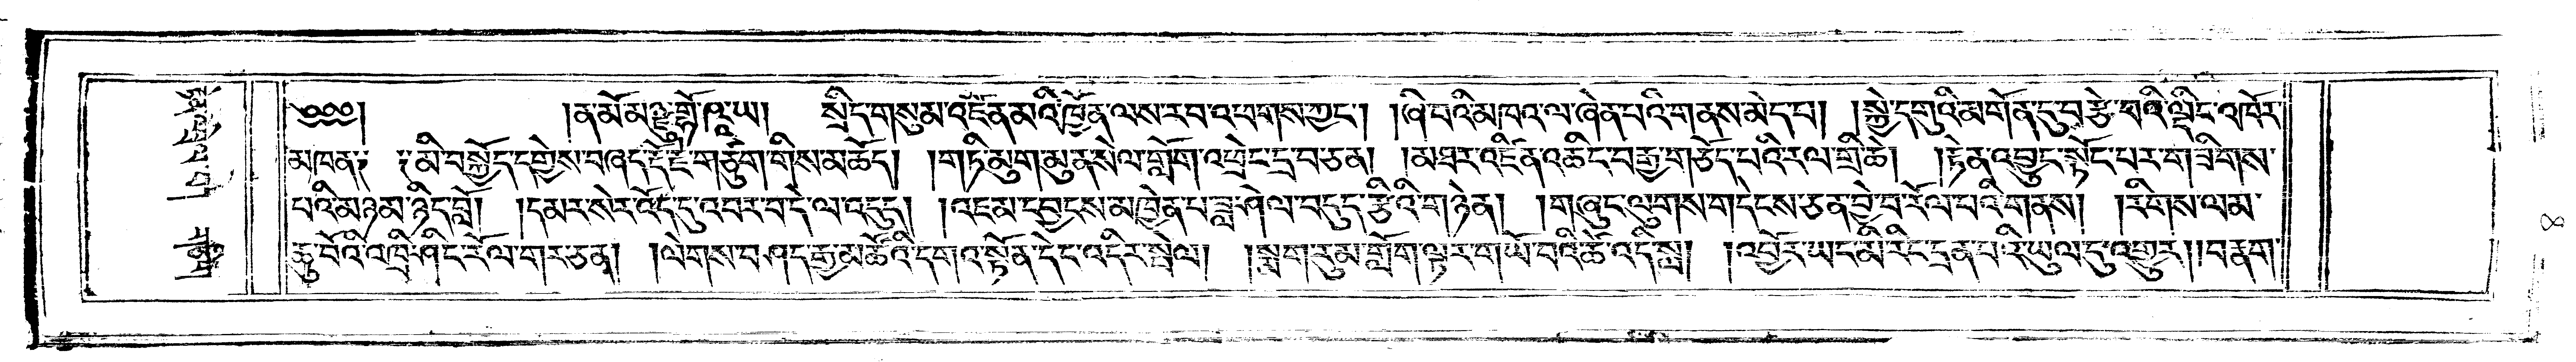༄༅༅། །ན་མོ་མཉྫུ་གྷོ་ཥ་ཡ། སྲིད་གསུམ་འཛིན་མའི་ཁྱོན་ལས་རབ་འཕགས་ཀྱང་། །ཞི་བའི་མཁའ་ལ་ཞེན་པའི་གནས་མེད་པ། །སྐྱེ་དགུའི་མགོན་དུ་བརྩེ་བའི་ལྡིང་འཁོར་
མཁན༑ ༑མི་བསྐྱོད་དགྱེས་བཞད་རྡོ་རྗེ་གཙུག་གིས་མཆོད། །གཏི་མུག་མུན་སེལ་གློག་འཕྲེང་དྲ་བ་ཅན། །མཐར་འཛིན་འཆིང་བརྒྱ་གཅོད་པའི་རལ་གྲི་ཆེ། །རྟེན་འབྱུང་སྟོང་བར་གཟིགས་
བའི་མཉམ་ཉིད་བློ། །དམར་སེར་འོད་དུ་འབར་བ་དེ་ལ་འདུད། །འཇམ་དབྱངས་མཁྱེན་པ་ཟླ་ཤེལ་བདུད་རྩིའི་གཉེན། །གཞུང་ལུགས་གདེངས་ཅན་བྱེ་བ་རོལ་པའི་གནས། །རིགས་ལམ་
ཆུ་བོའི་འཁྲི་ཤིང་རོལ་གར་ཅན། །ལེགས་བཤད་རྒྱ་མཚོའི་དགའ་སྟོན་དེང་འདིར་སྤེལ། །སྨག་རུམ་གློག་ལྟར་གཡོ་བའི་ཚེ་འདི་སླ། །འབྱོར་ཡང་མི་རིང་དྲན་པའི་ཡུལ་དུ་འགྱུར། །བརྣག་